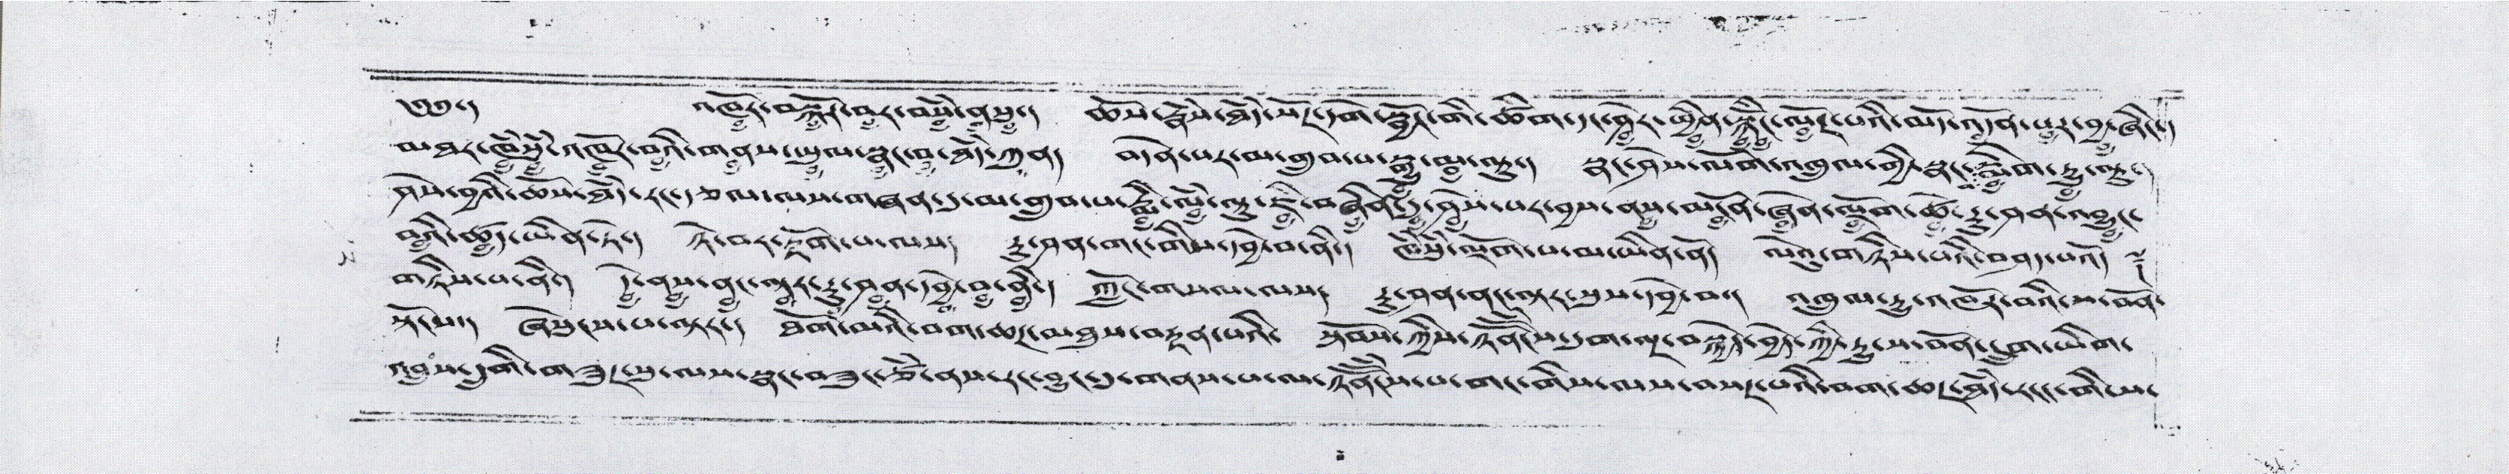འཁོར་བསྐོར་བར་བསམ་ནས། ཆོས་རྣམས་ཐམས་ཅད་སོགས་དགེ་སྦྱོང་གི་ཚིག་དང་། ཤེར་ཕྱིན་སྙིང་པོ་ལ་སོགས་པའི་མདོ་འདོན་པར་བྱ་ཞིང་། 
མཐར་ཁམས་གསུམ་འཁོར་བའི་གནས་ཡུལ་སྣང་བ་ཐམས་ཅད་ཀུན། བདེན་པར་མ་གྲུབ་པ་སྒྱུ་མ་ལྟ་བུ། སྣང་ཤེས་ལོག་འཁྲུལ་གྱི་སྣང་སྨྲིག་སྒྱུ་ལྟ་བུ། 
ཤེས་བྱའི་ཆོས་ཐམས་ཅད་རང་རྩལ་ལས་གཞན་དུ་མ་གྲུབ་པ་རྨི་ལམ་ལྟ་བུ་ཇི་བཞིན་དུ་ཤེས་པར་བྱས་ནས་མངོན་ཞེན་ལྡོག་ཚེ་རུ་ཤན་འབྱུང་
བའི་ཚད་ཡིན་ཏེ། ཉེ་བར་རྟོག་པ་ལས། རུ་ཤན་གང་གིས་དབྱེ་བ་ནི། ཁམས་གསུམ་ལྡོག་པ་མ་ཡིན་ནོ། ལེའུ་གཉིས་པའི་བཤད་པའོ། 
གཉིས་པ་ནི། དེ་ནས་ནང་ལྟར་རུ་ཤན་དབྱེ་བ་ནི། ཀློང་གསལ་ལས། རུ་ཤན་ནང་ལྟར་སུས་དབྱེ་བ། འཁྲུལ་རྒྱུ་འཁོར་བའི་ས་བོན་
སྟོངས། ཞེས་གསུངས་པ་ལྟར་ཐོག་མའི་བག་ཆགས་མཐུས་བརྟན་པའི། སྟོབས་ཀྱིས་ཉོན་མོངས་དུག་ལྔ་སྐྱེད་བྱེད་ཀྱི་རྒྱུ་ས་བོན་དྲུག་ཡིག་
འབྲུ་དྲུག་གི་གཟུགས་སུ་ལས་སྣང་བཟུང་ཙམ་ནས་རང་བྱུང་དུ་གནས་པ་ལ་ཉོན་མོངས་པ་གང་གིས་ལས་བསགས་པའི་བག་ཆགས་ཐམས་ཅད་རང་རང་གི་ས་